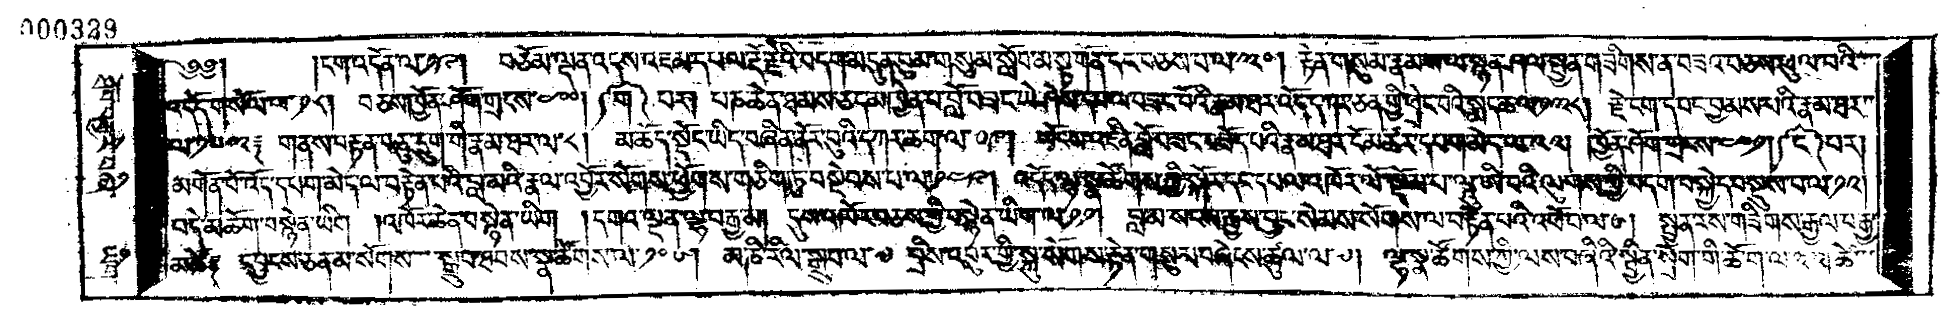༄༅། །ངག་འདོན་ལ ༡༩། བཅོམ་ལྡན་འདས་འཇམ་དཔལ་རྡོ་རྗེའི་བདག་མདུན་བུམ་གསུམ་སློབ་མ་སྟ་གོན་དང་བཅས་པ་ལ ༡༢༠། རྟེན་གསུམ་རྣམས་ལ་སྙན་ཤལ་སྤྱན་གཟིགས་ན་བཟའ་བཅས་ཕུལ་བའི་
འདོད་གསོལ་ལ ༡༨། བཅས་ཁྱོན་ཤོག་གྲངས ༤༠༠། ༼ག༽ པར། པཎ་ཆེན་ཐམས་ཅད་མཁྱེན་པ་བློ་བཟང་ཡེ་ཤེས་དཔལ་བཟང་པོའི་རྣམ་ཐར་འོད་དཀར་ཅན་གྱི་ཕྲེང་བའི་སྨད་ཆ་ལ ༡༣༨། རྗེ་ངག་དབང་བྱམས་པའི་རྣམ་ཐར་
ལ ༡༥༣༑ གནས་བརྟན་བཅུ་དྲུག་གི་རྣམ་ཐར་ལ ༨། མཆོད་སྡོང་ཡིད་བཞིན་ནོར་བུའི་དཀར་ཆག་ལ ༠༩། ཡོངས་འཛིན་བློ་བཟང་བཟོད་པའི་རྣམ་ཐར་ངོ་མཚར་དཔག་མེད་ལ ༢༢། ཁྱོན་ཤོག་གྲངས ༤༠༡། ༼ང༽ པར།
མགོན་པོ་འོད་དཔག་མེད་ལ་བརྟེན་པའི་བླ་མའི་རྣལ་འབྱོར་སོགས་ཕྱོགས་གཅིག་ཏུ་བསྡེབས་པ་ལ ༡༤༩། འདོད་ལྷ་སྣ་ཚོགས་ཀྱི་སྐོར་དང་དཔལ་འཁོར་ལོ་སྡོམ་པ་ལཱུ་ཨི་བའི་ལུགས་ཀྱི་བདག་བསྐྱེད་བསྡུས་པ་ལ ༡༢།
བདེ་མཆོག་བསྙེན་ཡིག །འཁོར་ཆེན་བསྙེན་ཡིག །དགའ་ལྡན་ལྷ་བརྒྱ་མ། དུས་འཁོར་བཅས་ཀྱི་བསྙེན་ཡིག་ལ ༡༡། བླ་མ་སངས་རྒྱས་བྱང་སེམས་སོགས་ལ་བརྟེན་པའི་འཕོ་བ་ལ ༦། སྤྱན་རས་གཟིགས་རྒྱལ་པ་རྒྱ་
མཚོ༑ དབྱངས་ཅན་མ་སོགས་སྒྲུབ་ཐབས་སྣ་ཚོགས་ལ ༡༠༦། མ་ཎི་རིལ་སྒྲུབ་ལ ༧་བྲིས་འབུར་གྱི་སྐུ་སོགས་རྟེན་གསུམ་བཞེངས་ཚུལ་ལ ༧། ལྷ་སྣ་ཚོགས་ཀྱི་ལས་བཞིའི་སྤྱིན་སྲེག་གི་ཆོ་ག་ལ ༣༣། ཚེ་